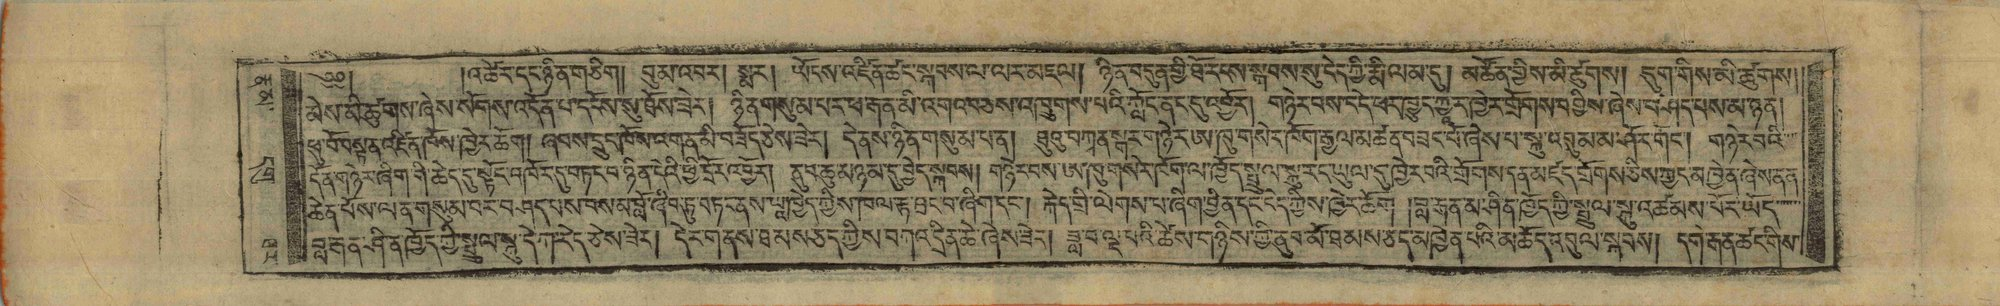༄༅། །འཚེར་དང་ཉིན་གཅིག །བུམ་འབར། སྨར། ཡོངས་འཛིན་ཚང་སྐབས་ལ་ལར་འཇལ། ཉིན་བདུན་གྱི་ཐོ་རངས་སྐབས་སུ་ངེད་ཀྱི་རྨི་ལམ་དུ། མཚོན་གྱིས་མི་ཚུགས། དུག་གིས་མི་ཚུགས་
མེས་མི་ཚུགས་ཞེས་སོགས་འདོན་པ་དངོས་སུ་ཐོས་ཟེར། ཉིན་གསུམ་པར་ཕ་རྒན་མི་འགའ་བཅས་འཁྲུགས་པའི་ཀློང་ནང་དུ་འབྱོར། གཉེར་བས་ངེད་ཕར་ཁྱུད་ཀྱཱ་ར་ཁྱེར་གྲོགས་བགྱིས་ཞེས་བཤད་པས་མ་ཉན།
ཕུ་བོ་བསྟན་འཛིན་ཁོས་ཁྱེར་ཆོག །ཞབས་དྲུང་ཁོས་འགན་མི་བཟོད་ཅེས་ཟེར། དེ་ནས་ཉིན་གསུམ་པ་ན། ཐུའུ་བཀྭན་སྒར་གཉེར་ཨ་ཁུ་གསེར་ཁོག་རྒྱལ་མཚན་བཟང་པོ་ཞེས་པ་སྐུ་འབུམ་མ་ཤོར་གོང་། གཉེར་བའི་
དོན་གཉེར་ཞིག་གི་ཆེད་དུ་སྟོང་འཁོར་དུ་བཏང་བ་ཉིན་དེའི་ཕྱི་དྲོར་འབྱོར། ནུབ་ཆུ་མཉམ་དུ་བྱེད་སྐབས། གཉེར་བས་ཨ་ཁུ་གསེར་ཁོག་ལ་ཁྱོད་སྤྲུལ་སྐུ་རང་ཡུལ་དུ་ཁྱེར་བའི་གྲོགས་དན་མཛད་གྲོགས་ཅིས་ཀྱང་མཁྱེན་ཞེས་ནན་
ཆེན་པོས་ལན་གསུམ་བར་བཤད་པས་བསམ་བློ་ཞིབ་ཏུ་བཏང་ནས་ཡཱ་ཁྱེད་ཀྱིས་ཁལ་རྟ་ཐང་བ་ཞིག་དང་། རྐེད་གྲི་ལེགས་པ་ཞིག་བྱིན་དང་ངེད་ཀྱིས་ཁྱེར་ཆོག །བླ་རྒན་མ་ཤིན་ཁྱོད་ཀྱི་སྤྲུལ་སྐུ་འཚམས་པོར་ཡོད་
བླ་རྒན་ཤི་ན་ཁྱོད་ཀྱི་སྤྲུལ་སྐུ་དེ་ཀ་རེད་ཅེས་ཟེར། དེར་གནས་ཐམས་ཅད་ཀྱིས་བཀའ་དྲིན་ཆེ་ཞེས་ཟེར། ཟླ་བ་ལྔ་པའི་ཚེས་གཉིས་ཀྱི་ནུབ་མོ་ཐམས་ཅད་མཁྱེན་པའི་མཆོད་འབུལ་སྐབས། དགེ་རྒན་ཚང་གིས་